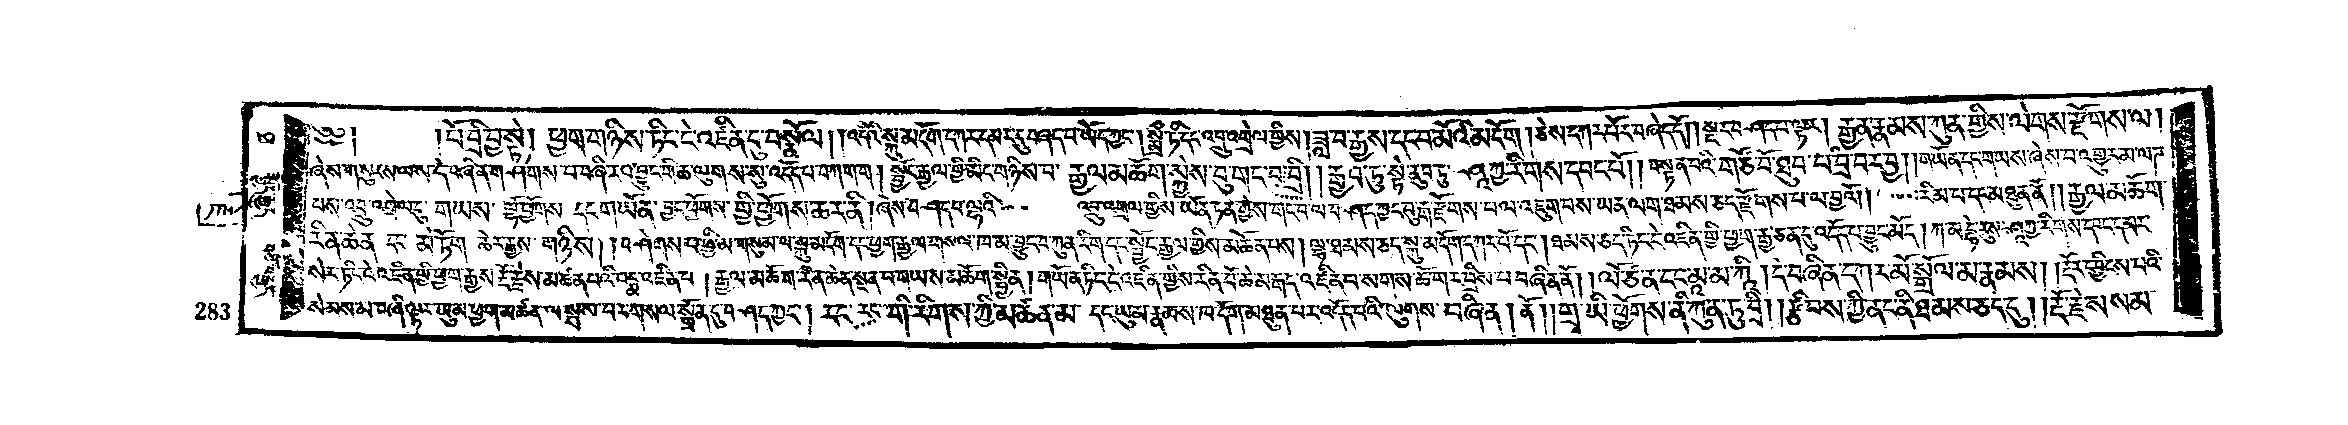༄༅། །པོ་བྲི་བྱ་སྟེ། ཕྱག་གཉིས་ཏིང་ངེ་འཛིན་དུ་བསྣོལ། །འདིའི་སྐུ་མདོག་དཀར་དམར་དུ་བཞད་པ་ཡོད་ཀྱང་། སྨྲྀ་ཏི་དང་འབྲུ་འགྲེལ་གྱིས། ཟླ་བ་རྒྱས་དང་བ་མོའི་མདོག །ཅེས་དཀར་པོར་བཞེད་དོ། །སྔར་བཤད་པ་ལྟར། རྒྱན་རྣམས་ཀུན་གྱིས་ལེགས་རྫོགས་ལ།
ཞེས་གསུངས་པས་དེ་བཞིན་གཤེགས་པ་བཞི་རབ་བྱུང་གི་ཆ་ལུགས་སུ་འདོད་པ་བཀག་ག །སྦྱོང་རྒྱལ་གྱི་མིང་གཉིས་པ་རྒྱལ་མཆོག་སྐྱེས་བུ་གང་བ་བྲི། །རྒྱབ་ཏུ་སྟེ་ནུབ་ཏུ་ཤཱ་ཀྱ་རིགས་དབང་པོ། །བསྟན་པའི་གཙོ་བོ་ཐུབ་པ་བྲི་བར་བྱ། ། གཡོན་དང་གཡས་ཞེས་པ་འགྱུར་མ་ལགས་
པས་འབྲུ་འགྲེལ་དུ་གཡས་ལྷོ་ཕྱོགས་དང་གཡོན་བྱང་ཕྱོགས་གྱི་ཕྱོགས་ཆར་ནི། ཞེས་བཤད་པ་ལྷའི་འབྲུ་འགྲེལ་གྱིས་ཡོན་ཏན་གྱིས་གང་བ་ལ་བཤད་ཀྱང་བུ་རྒ་རྫོགས་པ་ལ་འཇུག་པས་ཡན་ལག་ཐམས་ཅད་རྫོགས་པ་ལ་བྱའོ། །རིམ་པ་དང་མཐུན་ནོ། །རྒྱལ་མཆོག་
རིན་ཆེན་དང་མེ་ཏོག་ཆེར་རྒྱས་གཉིས། །བཤེགས་པ་ཕྱི་མ་གསུམ་ལ་སྐུ་མདོག་དང་ཕྱག་རྒྱལ་གསལ་ཁ་མ་བྱུང་བ་ཀུན་རིག་དང་སྦྱོང་རྒྱལ་གྱིས་མཚོན་པས། ལྷ་ཐམས་ཅད་སྐུ་མདོག་དཀར་པོ་དང་། ཐམས་ཅད་ཏིང་ངེ་འཛིན་གྱི་ཕྱག་རྒྱ་ཅན་དུ་འདོད་པ་བྱུང་མོད། ཀ་མདྷེ་ནུས་ཤཱཀྱ་རིགས་དབང་དམར་
སེར་ཏིང་ངེ་འཛིན་གྱི་ཕྱག་རྒྱས་རྡོ་རྗེས་མཚན་པའི་པདམ་འཛིན་པ། རྒྱལ་མཆོག་རིན་ཆེན་སྔན་པ་གཡས་མཆོག་སྦྱིན། གཡོན་ཏིང་ངེ་འཛིན་གྱིས་རིན་པོ་ཆེ་མརྒད་འཛིན་པ་སོགས་ཚེ་གར་བྲིས་པ་བཞིན་ནོ། །ལོ་ཙ་ན་དང་མཱ་མ་ཀཱི། དེ་བཞིན་དཀར་མོ་སྒྲོལ་མ་རྣམས། །རྡོར་དབྱིངས་པའི་
སེམས་མ་བཞི་ལྟར་ཡུམ་ཕྱག་མཚན་ལ་སྤས་པར་གསལ་སྒྲོན་དུ་བཤད་ཀྱང་། རང་རང་གི་རིགས་ཀྱི་མཚན་མ་དང་ཡུམ་རྣམས་ཁ་དོག་མཐུན་པར་འདོད་པའི་ལུགས་བཞིན། ནི། །གྲྭ་ཡི་ཕྱོགས་ནི་ཀུན་ཏུ་བྲི། །རྩིབས་ཀྱི་ནང་ནི་ཐམས་ཅད་དུ། །རྡོ་རྗེས་སམ་